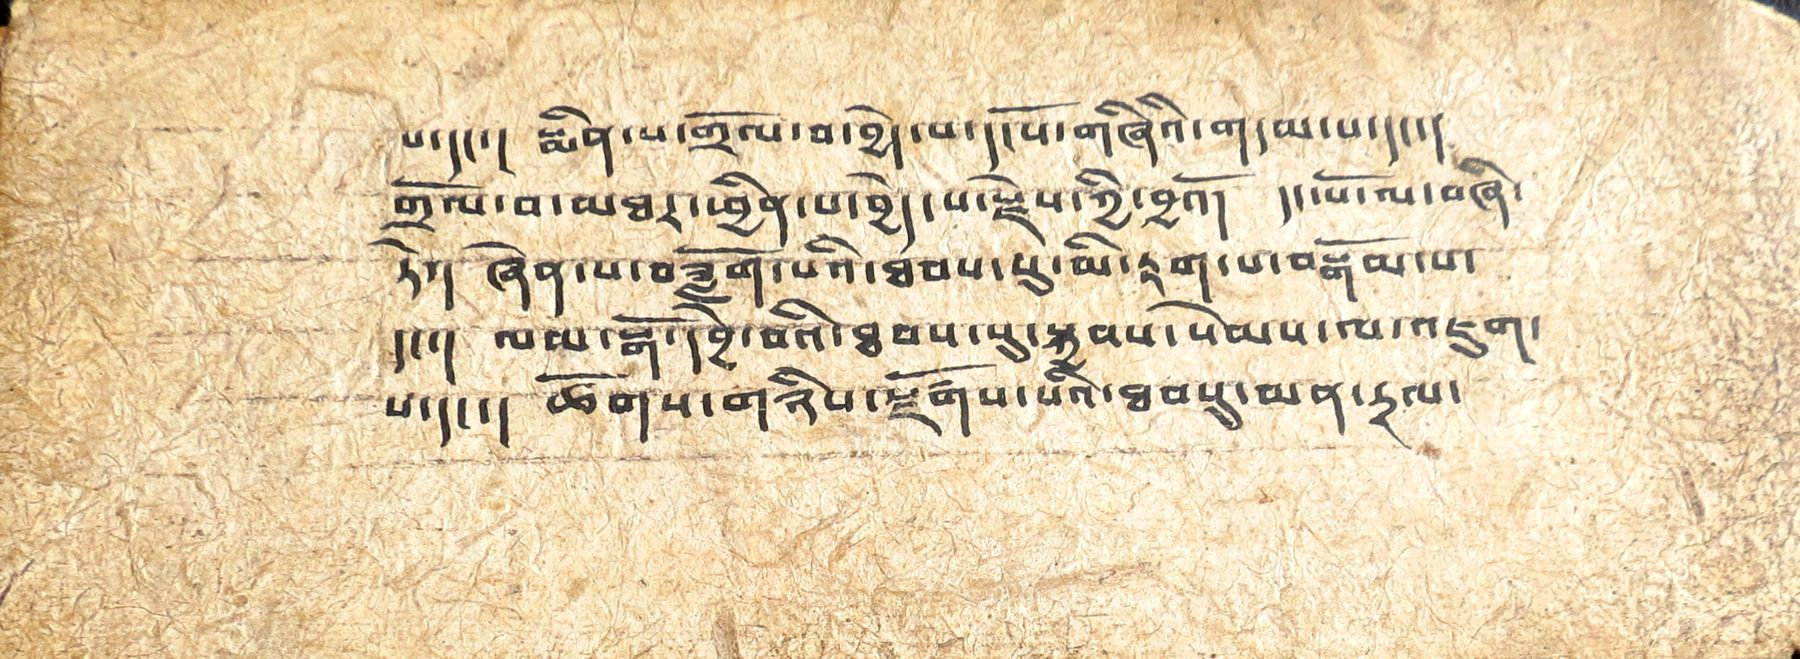པ་དང་། སྨིན་པ་གྲོལ་བར་བྱེད་པ་དངོས་གཞིའི་གདམས་པ་དང་། 
གྲོལ་བ་མཐར་ཕྱིན་པར་བྱེད་པ་རྗེས་ཀྱི་བྱ་བའོ། ། དང་པོ་ལ་བཞི་
སྟེ། ཞེན་པ་བཟློག་པའི་ཐབས་སུ་མི་རྟག་པ་སྒོམ་པ་
དང་། ལམ་སྒོ་དབྱེ་བའི་ཐབས་སུ་སྐྱབས་སེམས་ལ་འཇུག་
པ་དང་། ཚོགས་གཉིས་རྫོགས་པའི་ཐབས་སུ་མཎྜལ་